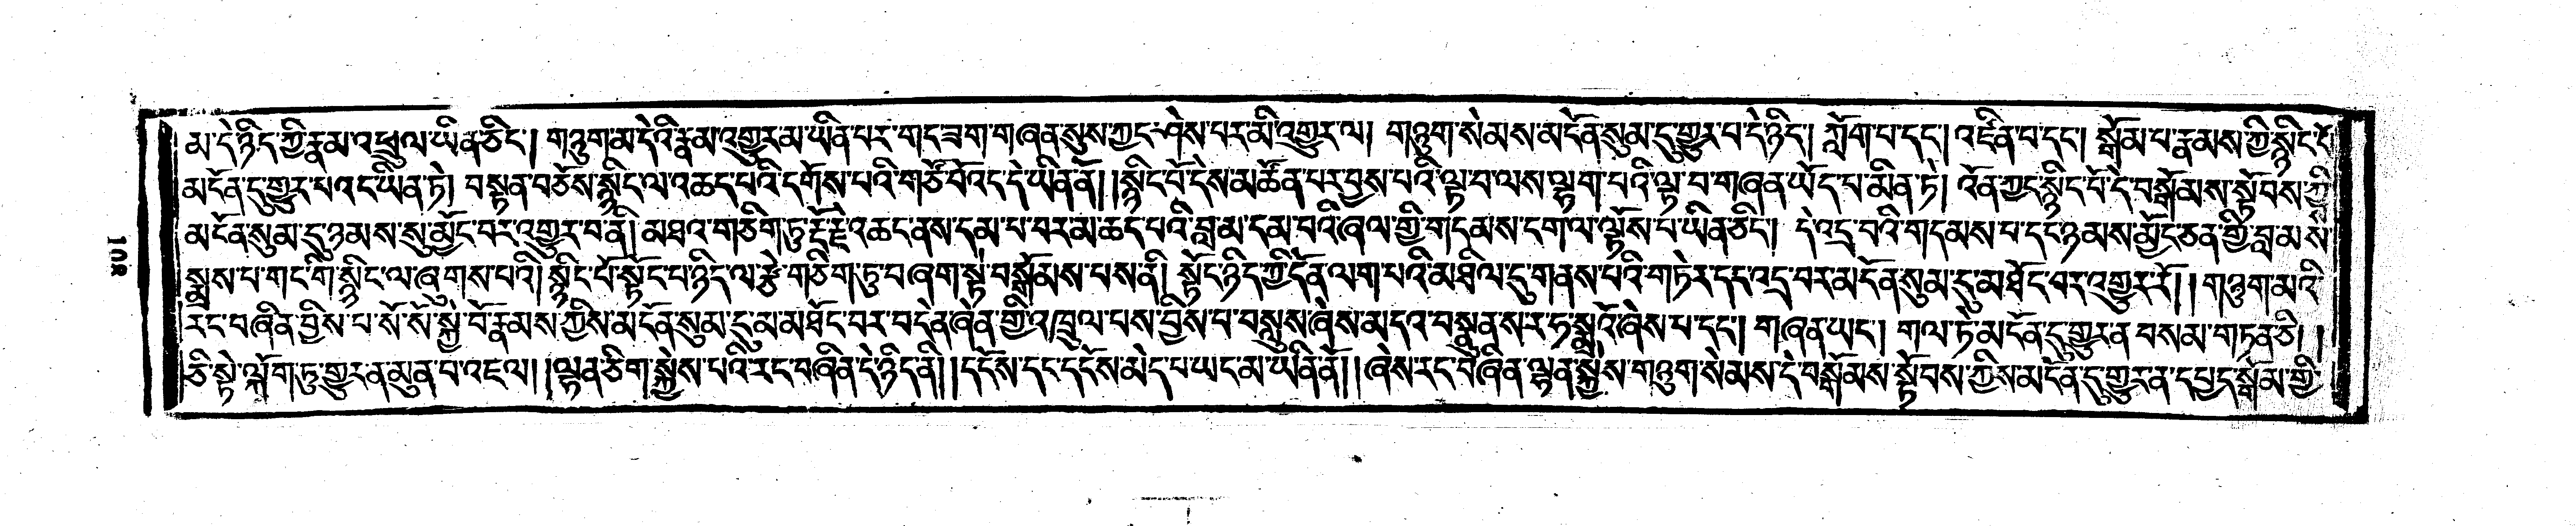མ་དེ་ཉིད་ཀྱི་རྣམ་འཕྲུལ་ཡིན་ཅིང་། གཉུག་མ་དེའི་རྣམ་འགྱུར་མ་ཡིན་པར་གང་ཟག་གཞན་སུས་ཀྱང་ཤེས་པར་མི་འགྱུར་ལ། གཉུག་སེམས་མངོན་སུམ་དུ་གྱུར་པ་དེ་ཉིད། ཀློག་པ་དང་། འཛིན་པ་དང་། སྒོམ་པ་རྣམས་ཀྱི་སྙིང་དེ་
མངོན་དུ་གྱུར་པའང་ཡིན་ཏེ། བསྟན་བཅོས་སྙིང་ལ་འཆད་པའི་དགོས་པའི་གཙོ་བོའང་དེ་ཡིན་ནོ། །སྙིང་པོ་དེས་མཚོན་པར་བྱས་པའི་ལྟ་བ་ལས་ལྷག་པའི་ལྟ་བ་གཞན་ཡོད་པ་མིན་ཏེ། འོན་ཀྱང་སྙིང་པོ་དེ་བསྒོམས་སྟོབས་ཀྱི་
མངོན་སུམ་དུ་ཉམས་སུ་མྱོང་བར་འགྱུར་བ་ནི། མཐའ་གཅིག་ཏུ་རྡོ་རྗེ་འཆང་ནས་དམ་པ་བར་མ་ཆད་པའི་བླ་མ་དམ་པའི་ཞལ་གྱི་གདམས་ངག་ལ་ལྟོས་པ་ཡིན་ཅིང་། དེ་འདྲ་བའི་གདམས་པ་དང་ཉམས་མྱོང་ཅན་གྱི་བླ་མས་
སྨྲས་པ་གང་གི་སྙིང་ལ་ཞུགས་པའི། སྙིང་པོ་སྟོང་པ་ཉིད་ལ་རྩེ་གཅིག་ཏུ་བཞག་སྟེ་བསྒོམས་པས་ནི། སྟོང་ཉིད་ཀྱི་དོན་ལག་པའི་མཐིལ་དུ་གནས་པའི་གཏོང་དང་འདྲ་བར་མངོན་སུམ་དུ་མཐོང་བར་འགྱུར་རོ། །གཉུག་མའི་
རང་བཞིན་བྱིས་པ་སོ་སོ་སྐྱེ་བོ་རྣམས་ཀྱིས་མངོན་སུམ་དུ་མ་མཐོང་བར་བདེན་ཞེན་གྱིས་ཁྲུལ་པས་བྱིས་པ་བསླུས་ཞེས་མདའ་བསྣུན་ས་ར་ཧ་སྨྲའོ་ཞེས་པ་དང་། གཞན་ཡང་། གལ་ཏེ་མངོན་དུ་གྱུར་ན་བསམ་གཏན་ཅི། །
ཅི་སྟེ་ལྐོག་ཏུ་གྱུར་ན་མུན་པ་འཇལ། །ལྷན་ཅིག་སྐྱེས་པའི་རང་བཞིན་དེ་ཉིད་ནི། །དངོས་དང་དངོས་མེད་པ་ཡང་མ་ཡིན་ནོ། །ཞེས་རང་བཞིན་ལྷན་སྐྱེས་གཉུག་སེམས་དེ་བསྒོམས་སྟོབས་ཀྱིས་མངོན་དུ་གྱུར་ན་དཔྱད་སྒོམ་གྱི་